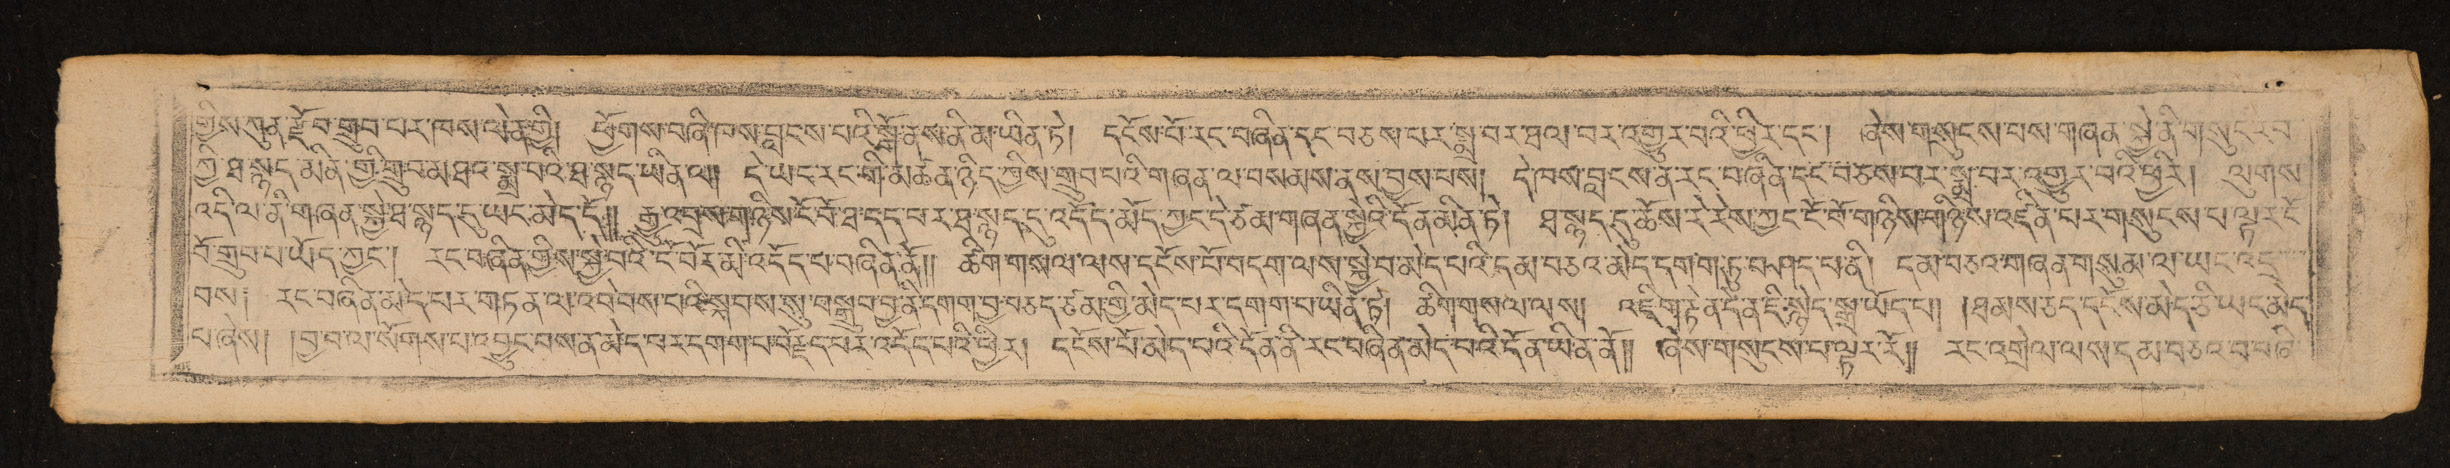གྱིས་ཀུན་རྫོབ་གྲུབ་པར་ཁས་ལེན་གྱི། ཕྱོགས་བཞི་ཁས་བླངས་པའི་སྒོ་ནས་ནི་མ་ཡིན་ཏེ། དངོས་པོ་རང་བཞིན་དང་བཅས་པར་སྨྲ་བར་ཐལ་བར་འགྱུར་བའི་ཕྱིར་དང་། ཞེས་གསུངས་པས་གཞན་སྐྱེ་ནི་གསུང་རབ་
ཀྱི་ཐ་སྙད་མིན་གྱི་གྲུབ་མཐའ་སྨྲ་བའི་ཐ་སྙད་ཡིན་ལ། དེ་ཡང་རང་གི་མཚན་ཉིད་ཀྱིས་གྲུབ་པའི་གཞན་ལ་བསམས་ནས་བྱས་པས། དེ་ཁས་བླངས་ན་རང་བཞིན་དང་བཅས་པར་སྨྲ་བར་འགྱུར་བའི་ཕྱིར། ལུགས་
འདི་ལ་ནི་གཞན་སྐྱེ་ཐ་སྙད་དུ་ཡང་མེད་དོ།། རྒྱུ་འབྲས་གཉིས་ངོ་བོ་ཐ་དད་པར་ཐ་སྙད་དུ་འདོད་མོད་ཀྱང་དེ་ཙམ་གཞན་སྐྱེའི་དོན་མིན་ཏེ། ཐ་སྙད་དུ་ཆོས་རེ་རེས་ཀྱང་ངོ་བོ་གཉིས་གཉིས་འཛིན་པར་གསུངས་པ་ལྟར་ངོ་
བོ་གྲུབ་པ་ཡོད་ཀྱང་། རང་བཞིན་གྱིས་སྐྱེ་བའི་ངོ་བོར་མི་འདོད་པ་བཞིན་ནོ།། ཚིག་གསལ་ལས་དངོས་པོ་བདག་ལས་སྐྱེ་བ་མེད་པའི་དམ་བཅའ་མེད་དགག་ཏུ་བཤད་པ་ནི། དམ་བཅའ་གཞན་གསུམ་ལ་ཡང་འདྲ་
བས། རང་བཞིན་མེད་པར་གཏན་ལ་འབེབས་པའི་སྐབས་སུ་བསྒྲུབ་བྱ་ནི་དགག་བྱ་བཅད་ཙམ་གྱི་མེད་པར་དགག་པ་ཡིན་ཏེ། ཚིག་གསལ་ལས། འཇིག་རྟེན་དེ་ན་ཇི་སྙེད་སྒྲ་ཡོད་པ། །ཐམས་ཅད་དངོས་མེད་ཅི་ཡང་མེད་
པ་ཞེས། །བྱ་བ་ལ་སོགས་པ་འབྱུང་བས་ན་མེད་པར་དགག་པ་བརྗོད་པར་འདོད་པའི་ཕྱིར། དངོས་པོ་མེད་པའི་དོན་ནི་རང་བཞིན་མེད་པའི་དོན་ཡིན་ནོ།། ཞེས་གསུངས་པ་ལྟར་རོ།། རང་འགྲེལ་ལས་དམ་བཅའ་བ་བཞི་